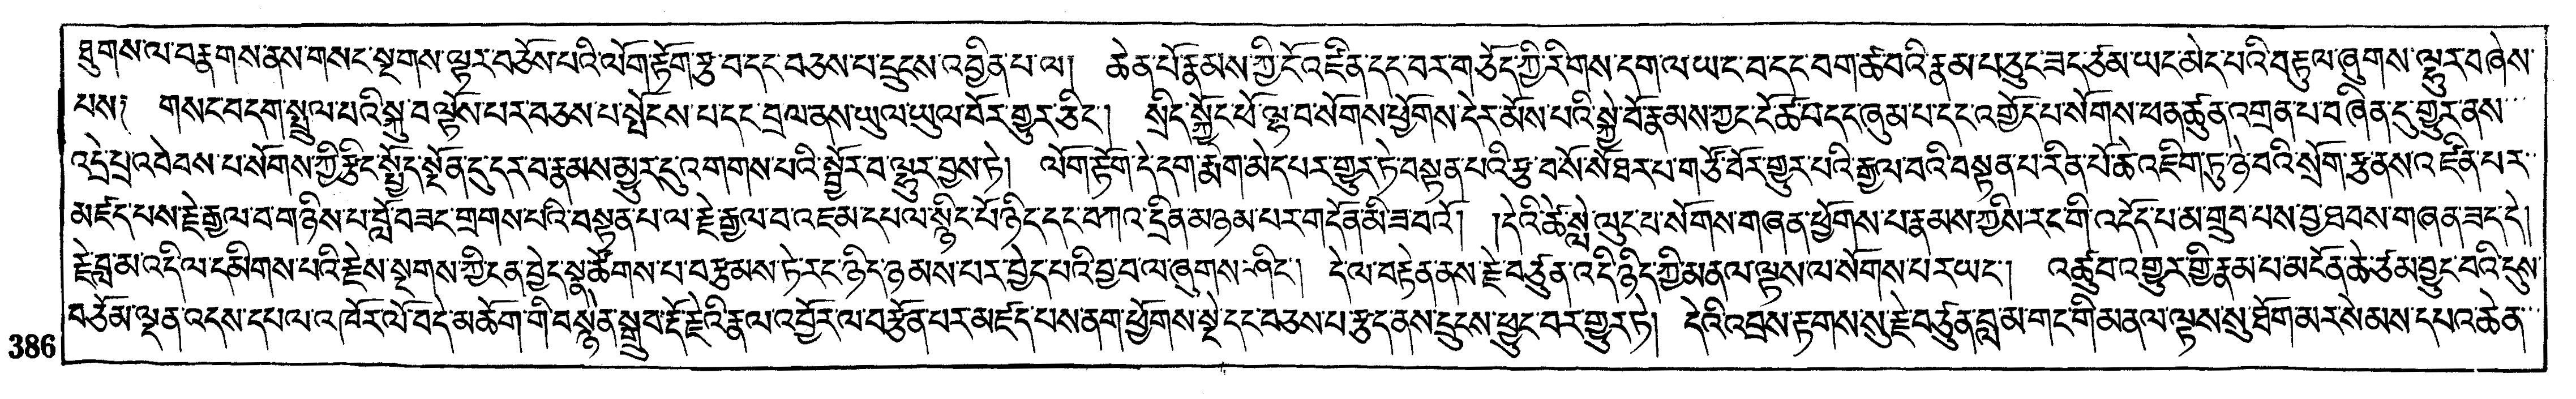ཐུགས་ལ་བརྣགས་ནས་གསང་སྔགས་ལྟར་བཅས་པའི་ལོག་རྟོག་རྩ་བ་དང་བཅས་པ་དྲུངས་འབྱིན་པ་ལ། ཆེན་པོ་རྣམས་ཀྱི་ངོ་འཛིན་དང་བར་གཅོད་ཀྱི་རིགས་དག་ལ་ཡང་བ་དང་བག་ཚ་བའི་རྣམ་པ་ཅུང་ཟད་ཙམ་ཡང་མེད་པའི་བརྟུལ་ཞུགས་ལྷུར་བཞེས་
པས། གསང་བདག་སྤྲུལ་པའི་སྐུ་བལྟོས་པར་བཅས་པ་སྤོབས་པ་དང་བྲལ་ནས་ཡུལ་ཡུལ་པོར་གྱུར་ཅིང་། སྲིད་སྐྱོང་ཕོ་ལྟ་བ་སོགས་ཕྱོགས་དེར་མོས་པའི་སྐྱེ་བོ་རྣམས་ཀྱང་ངོ་ཚ་བ་དང་ཞུམ་པ་དང་འགྱོད་པ་སོགས་ཕན་ཚུན་འགྲན་པ་བཞིན་དུ་གྱུར་ནས་
འདྲེ་པྲ་འབེབས་པ་སོགས་ཀྱི་རྩིང་སྤྱོད་སྔོན་དུ་དར་བ་རྣམས་མྱུར་དུ་འགེགས་བའི་སྦྱོར་བ་ལྷུར་བྱས་ཏེ། ལོག་རྟོག་དེ་དག་རྨེག་མེད་པར་གྱུར་ཏེ་བསྟན་པའི་རྩ་བ་སོ་སོ་ཐར་པ་གཙོ་བོར་གྱུར་པའི་རྒྱལ་བའི་བསྟན་པ་རིན་པོ་ཆེ་འཇིག་ཏུ་ཉེ་བའི་སྲོག་རྩ་ནས་འཛིན་པར་
མཛད་པས་རྗེ་རྒྱལ་བ་གཉིས་པ་བློ་བཟང་གྲགས་པའི་བསྟན་པ་ལ་རྗེ་རྒྱལ་བ་འཇམ་དཔལ་སྙིང་པོ་ཉིད་དང་བཀའ་དྲིན་མཉམ་པར་གདོན་མི་ཟ་བའོ། །དེའི་ཚེ་སེ་ལུང་བ་སོགས་གཞན་ཕྱོགས་པ་རྣམས་ཀྱིས་རང་གི་འདོད་པ་མ་གྲུབ་པས་བྱ་ཐབས་གཞན་ཟད་དེ།
རྗེ་བླ་མ་འདི་ལ་དམིགས་པའི་རྫས་སྔགས་ཀྱི་ངན་བྱེད་སྣ་ཚོགས་པ་བརྩམས་ཏེ་རང་ཉིད་ཉམས་པར་བྱེད་པའི་བྱ་བ་ལ་ཞུགས་ཤིང་། དེ་ལ་བརྟེན་ནས་རྗེ་བཙུན་འདི་ཉིད་ཀྱི་མནལ་ལྟས་ལ་སོགས་པར་ཡང་། འཚུབ་འགྱུར་གྱི་རྣམ་པ་མངོན་ཆེ་ཙམ་བྱུང་བའི་དུས་
བཅོམ་ལྡན་འདས་དཔལ་འཁོར་ལོ་བདེ་མཆོག་གི་བསྙེན་སྒྲུབ་རྡོ་རྗེའི་རྣལ་འབྱོར་ལ་བརྩོན་པར་མཛད་པས་ནག་ཕྱོགས་སྡེ་དང་བཅས་པ་རྩད་ནས་དྲུངས་ཕྱུད་བར་གྱུར་ཏེ། དེའི་འབྲས་རྟགས་སུ་རྗེ་བཙུན་བླ་མ་གང་གིམ་ནལ་ལྟས་སུ་ཐོག་མར་སེམས་དཔའ་ཆེན་